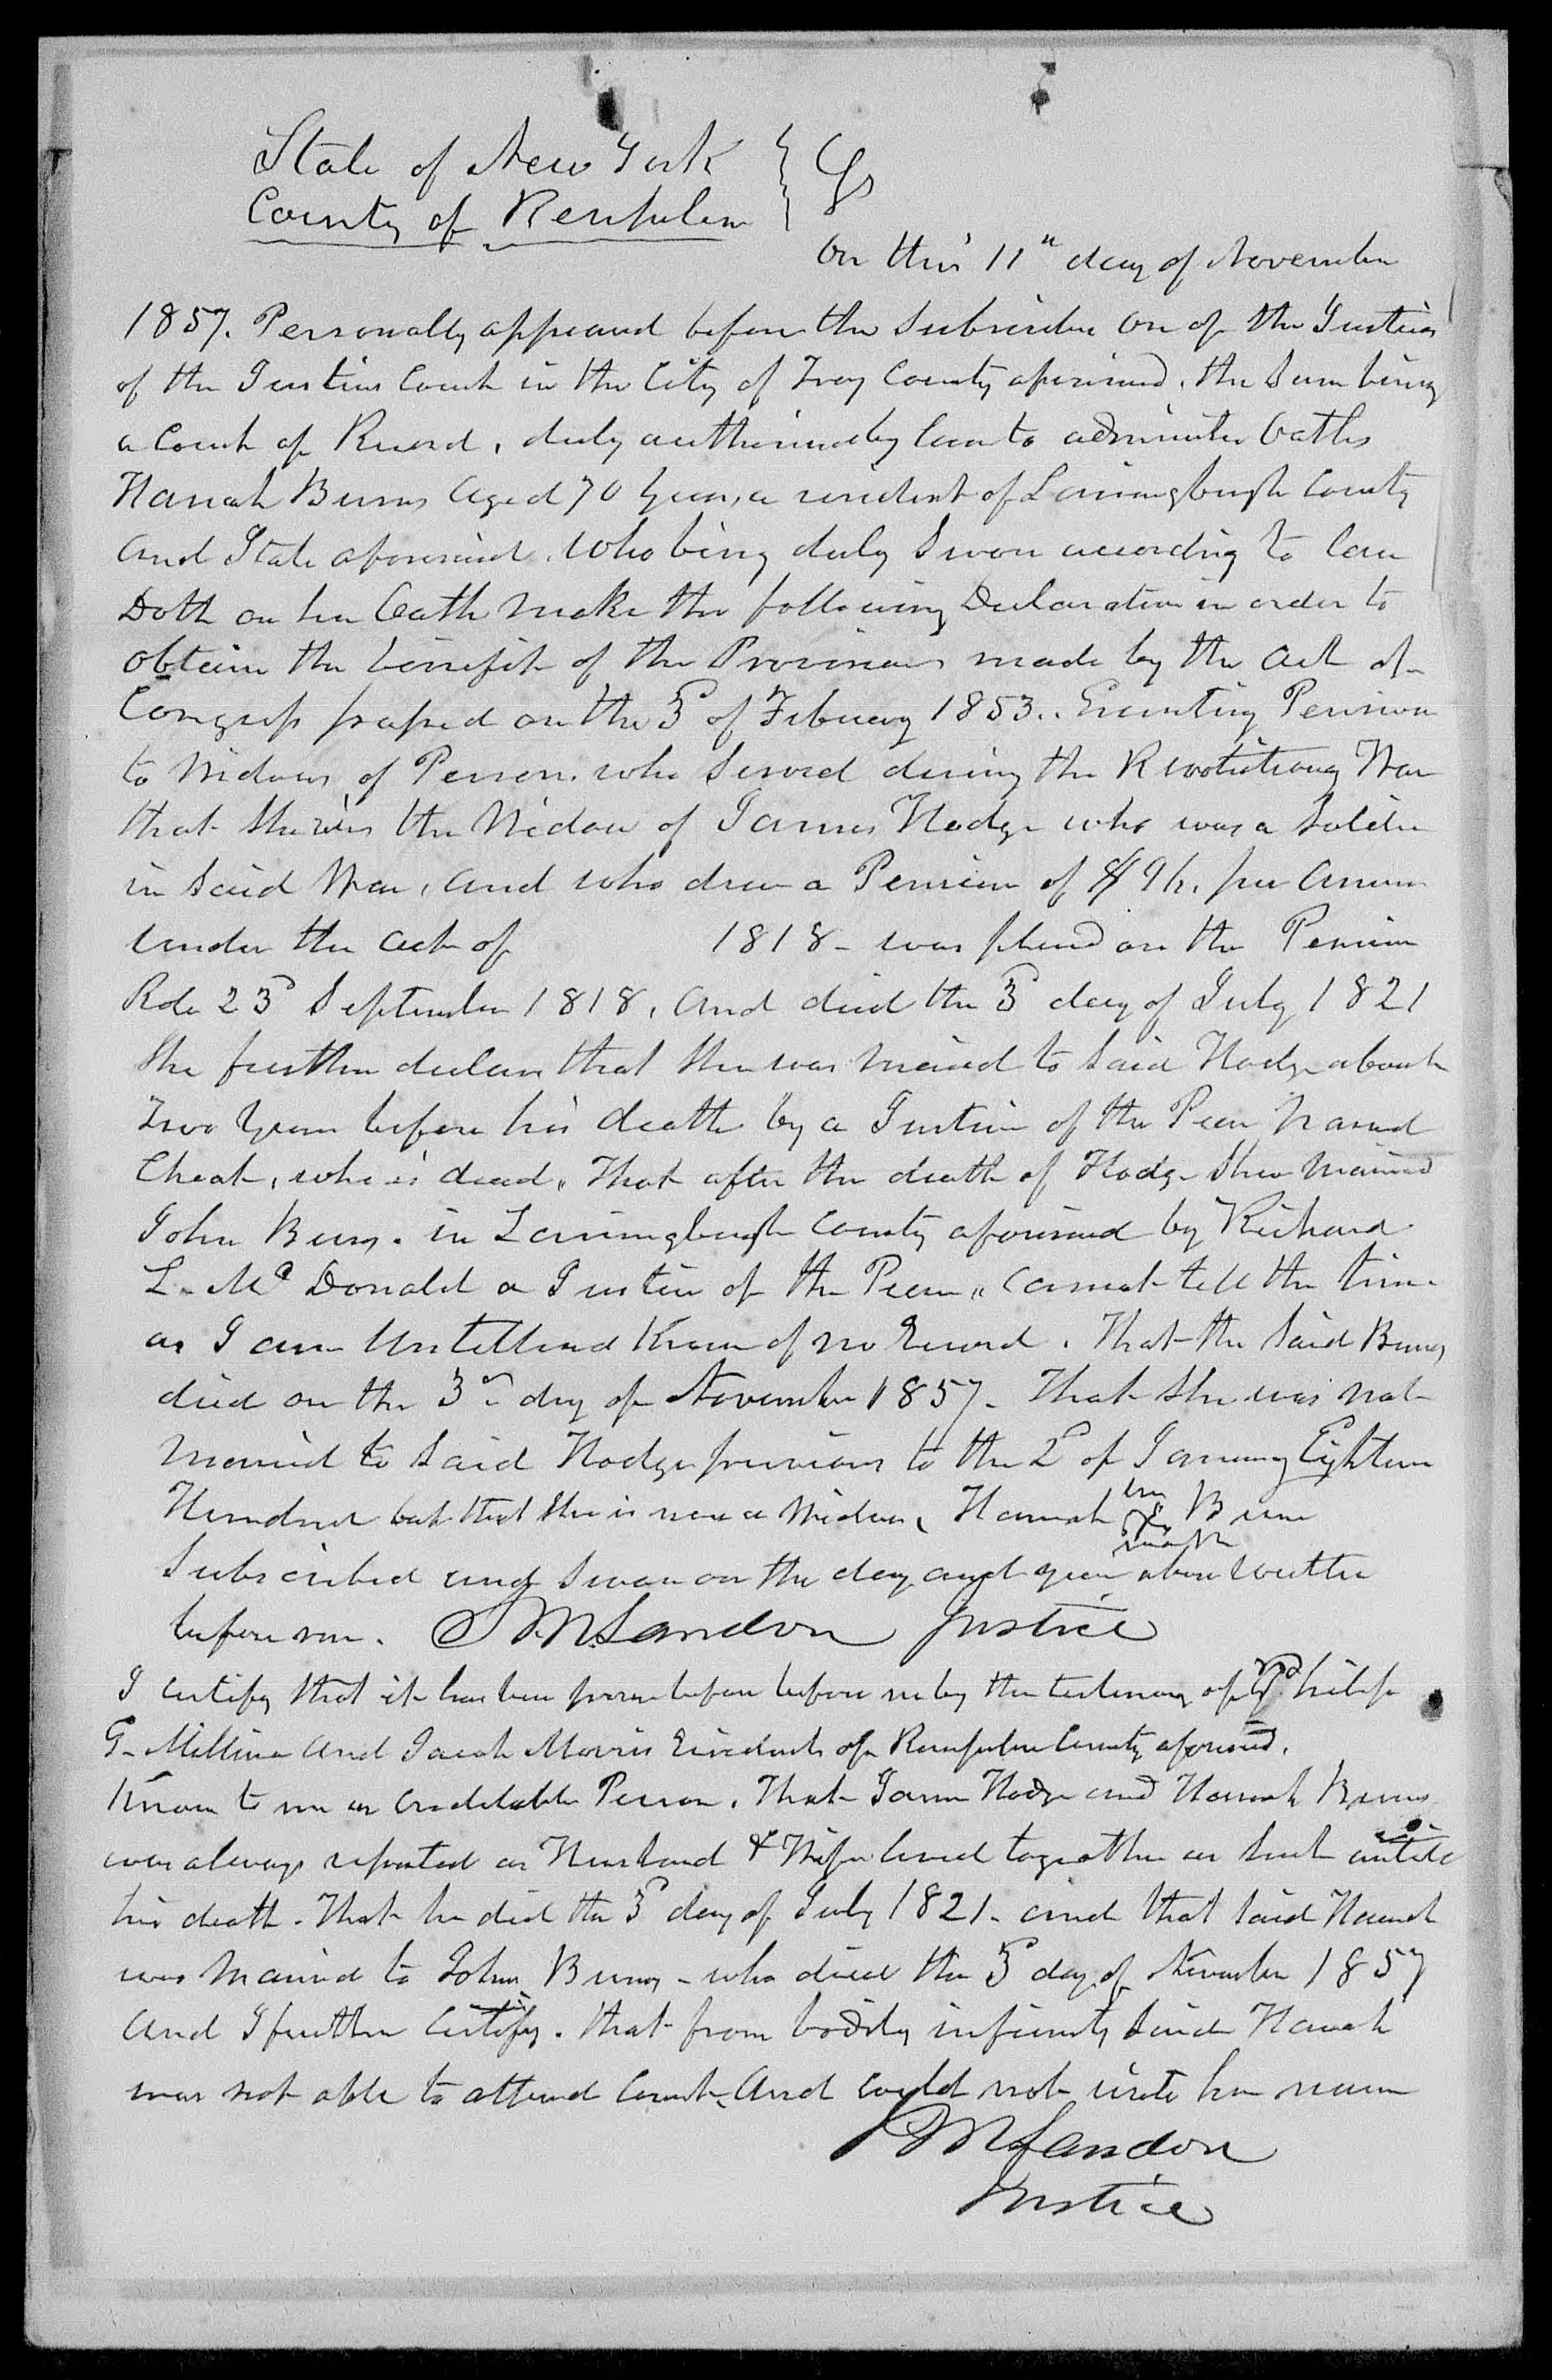State of New York
County of Rensselaer

On this 11th day of November
1857. Personally appeared before the subscriber one of the XX of the XX Court in the City of Troy County ap??, the same being a Court of Round, did autheriecely been to administer bath, Hannah Burns aged 70 been a resident of Laringsbough County and state aformentioned, who being duly sworn working to Law both on her oath make the following Declaration in order to obtain the benefit of the Provision made by the Act of congress drafted on the 3 of February 1853. Seventing Pension to widows of Person who served during the Revolutionary War that  XX the widow of James Hodge who was a soldier in said War, and who drew a Pension of $9/21  XX leader the cash of ___ 1818 - war ?? are the Pension Rd 23d September 1818, And did the 3d day of July 1821 the further declare that she was married to said Hodge XX who XX before his death by a Justice of the Peace named Cheat, who is dead. That after the death of Hodge, she married John Burns in Laringsbough County affirmed by Richard L McDonald a Justice of the Peace ?? tell the time as I can ??I know of no round. That the said Burns died on the 3d day of November 1857. That she was not married to said Hodge?? to the 2d of January Eighteen Hundred but that she is now a maiden, Hannah Burns subscribed and sworn on the day XX.

JM Sandon Justice - signature

I certify that it has been XX before me by the testimony of Philip G Millina and Jacob Morris ?? of Rensselaer County aforsaid, XX to be a credible person, that Hames Hodge and Hannah Burns were always XX as husband & wife lived together as such until his death. That he did this 3d day of July 1821 and that laid Hannah was married to John Burns who died the 5 day of November 1857 and I further certify that from bodily infirmity XX Hanah was not able to attend court and could not write her name.

JM Sandon Justice - signature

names: James Hodge, John Burns, Hannah Burns, Hanah Burns, John Burns, Hodge, J M Sandon, Burns, Philp G Millina, Jacob Morris, James Hodge, Hanah Burns, Hodge, Hannah, Hanah, Richard L Mc Donald, J M Sandon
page: 7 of 48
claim: widow's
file: W. 10476, James Hodge, New York